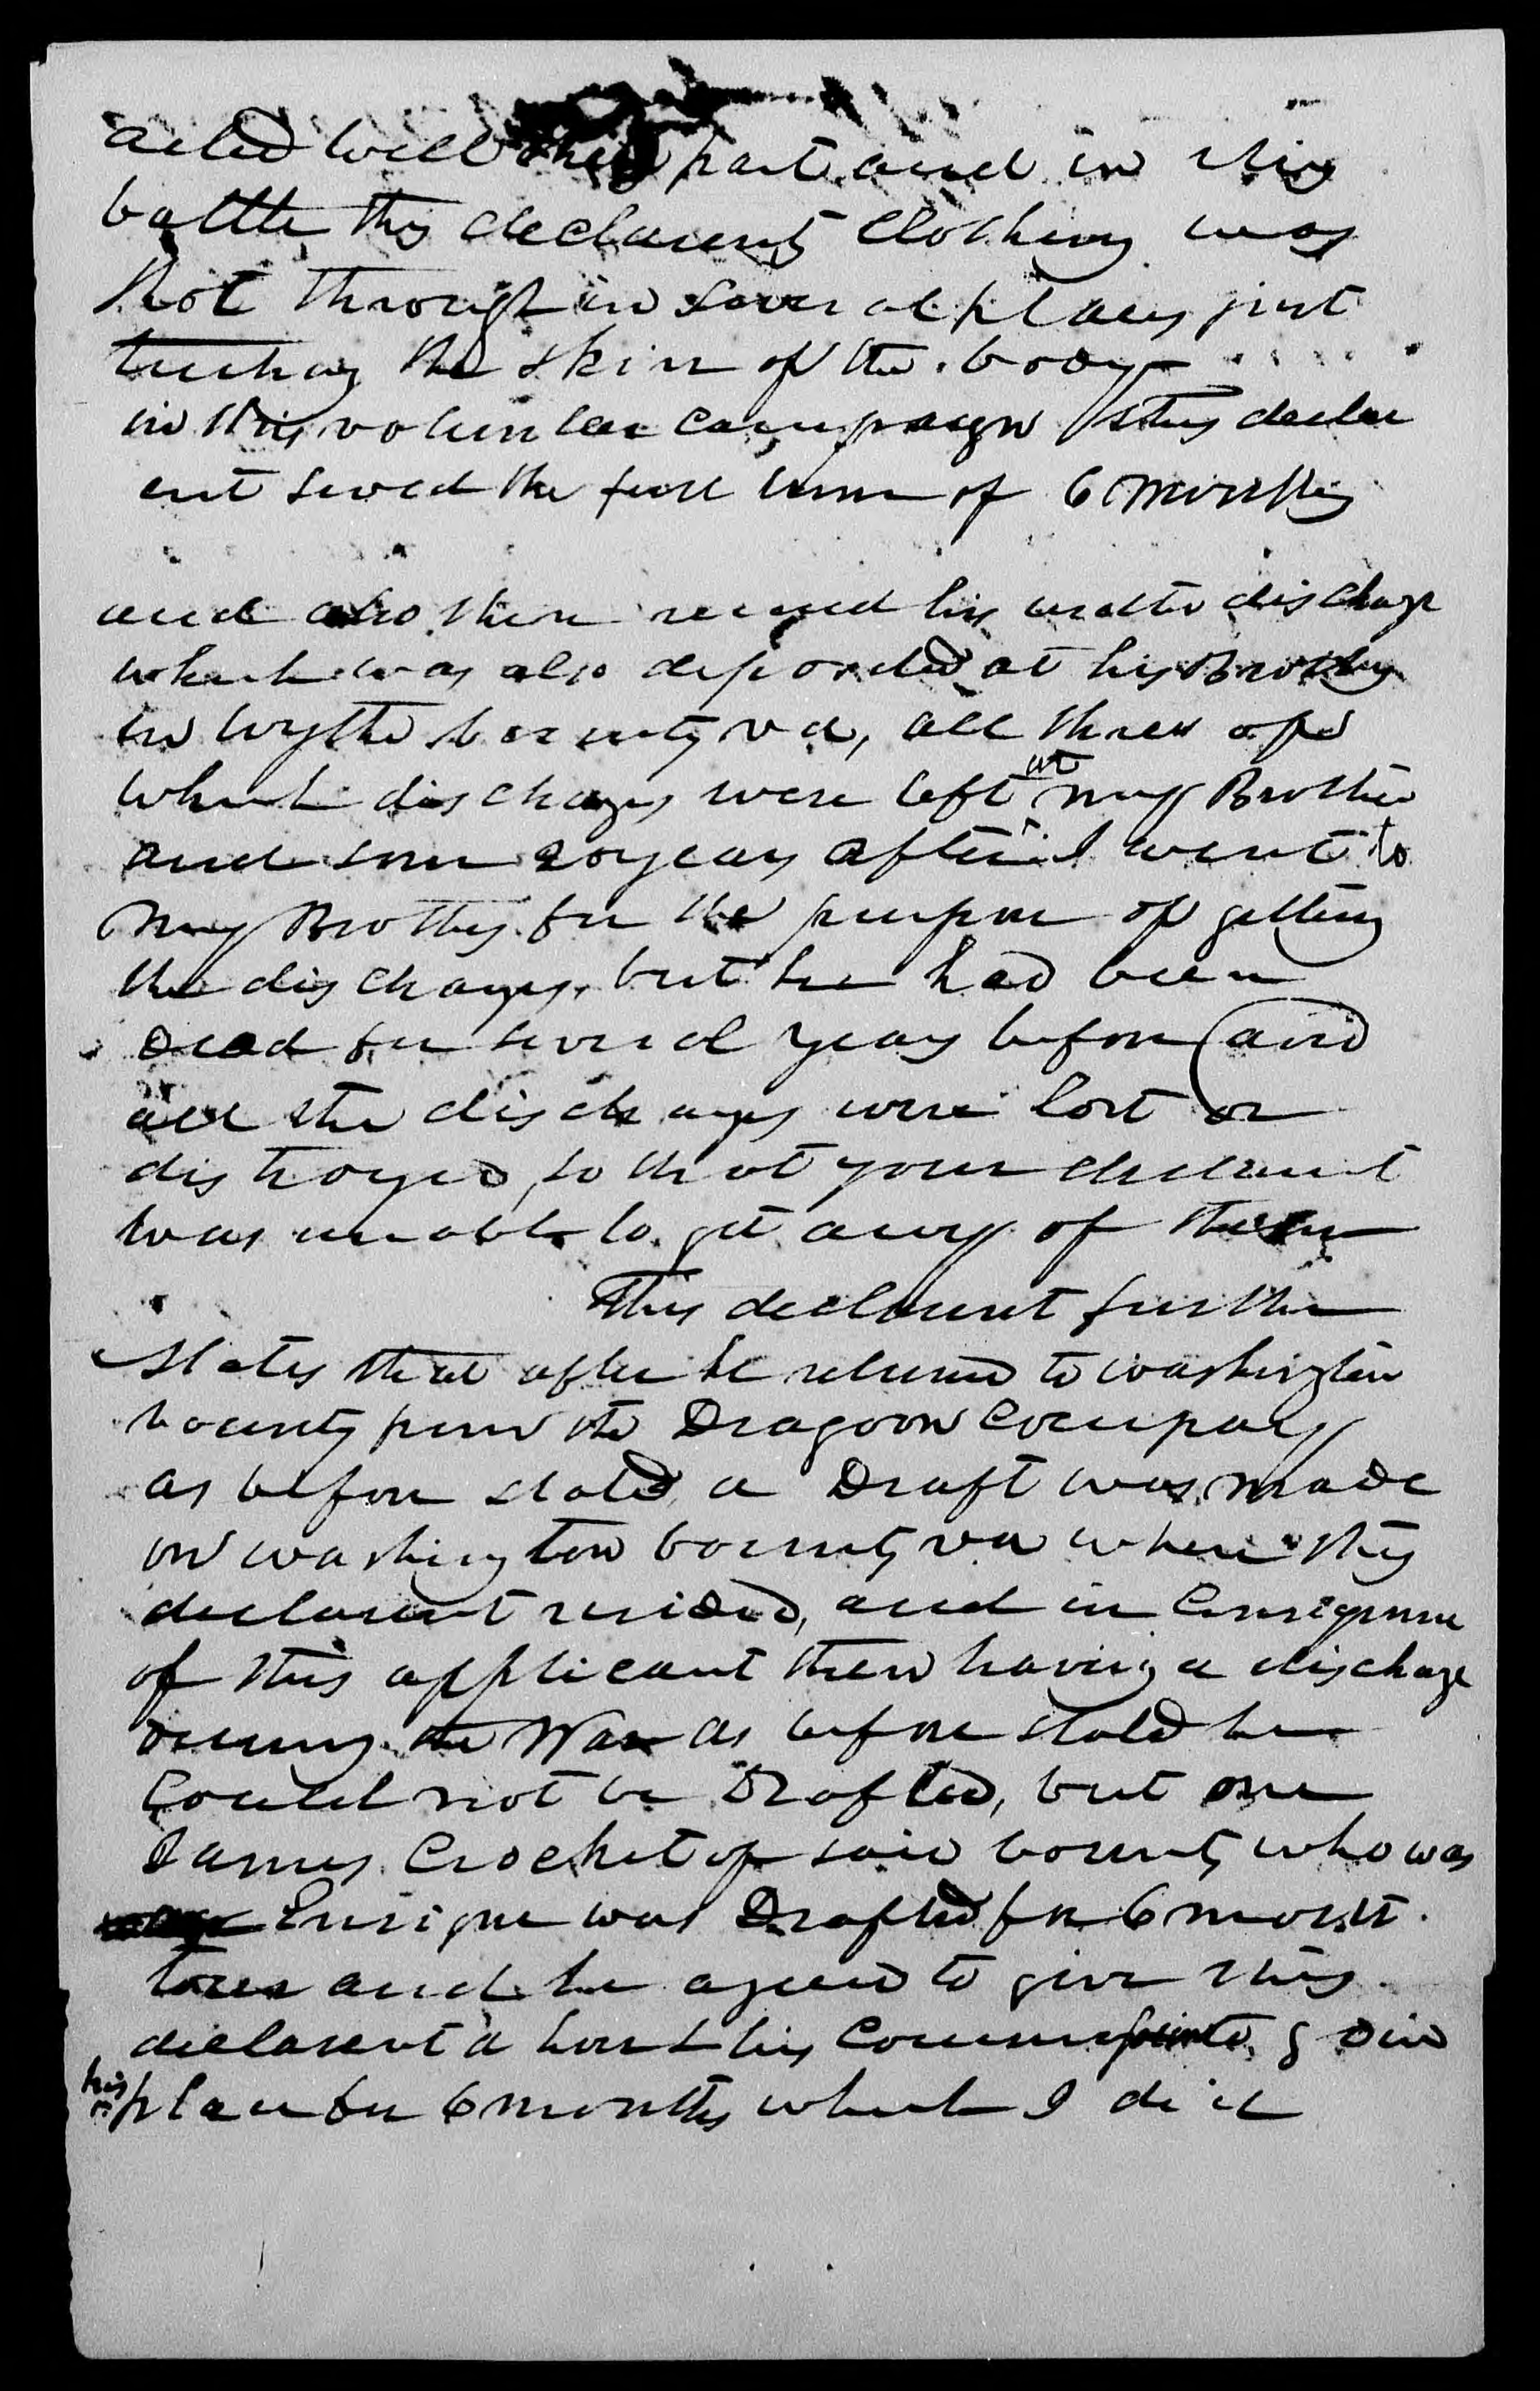ailed well [ink smudged][illegible] part and in this battle this declarents clothing was shot through in several places just touching the skin of the body in this volunteer campaign this declarent served the full sum of 6 months and also then received his [illegible] discharge which was also deported at his brother in Wythe county va, all three of which discharges were left at [with] my Brother and some 20 years after I went to my Brother for the purpose of selling the discharges but he had been dead for several years before and all the discharges were lost or distroyed [destroyed] so that your declarent was unable to get any of them. 
This declarent further states that after he returned to washington county from the Dragoon Company as before stated, a Draft was made in washington county va where this declarent resided and in [illegible] of this applicant then having a discharge during the War as before stated he could not be Drafted, but one James Crocket of fair county who was [illegible] was Drafted for 6 months [illegible] and he agreed to give this declarent a horse [and] his [illegible] in his place for 6 months which I did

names: James Crocket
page: 9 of 18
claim: survivor's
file: S. 15,846, James Fugate, Va.